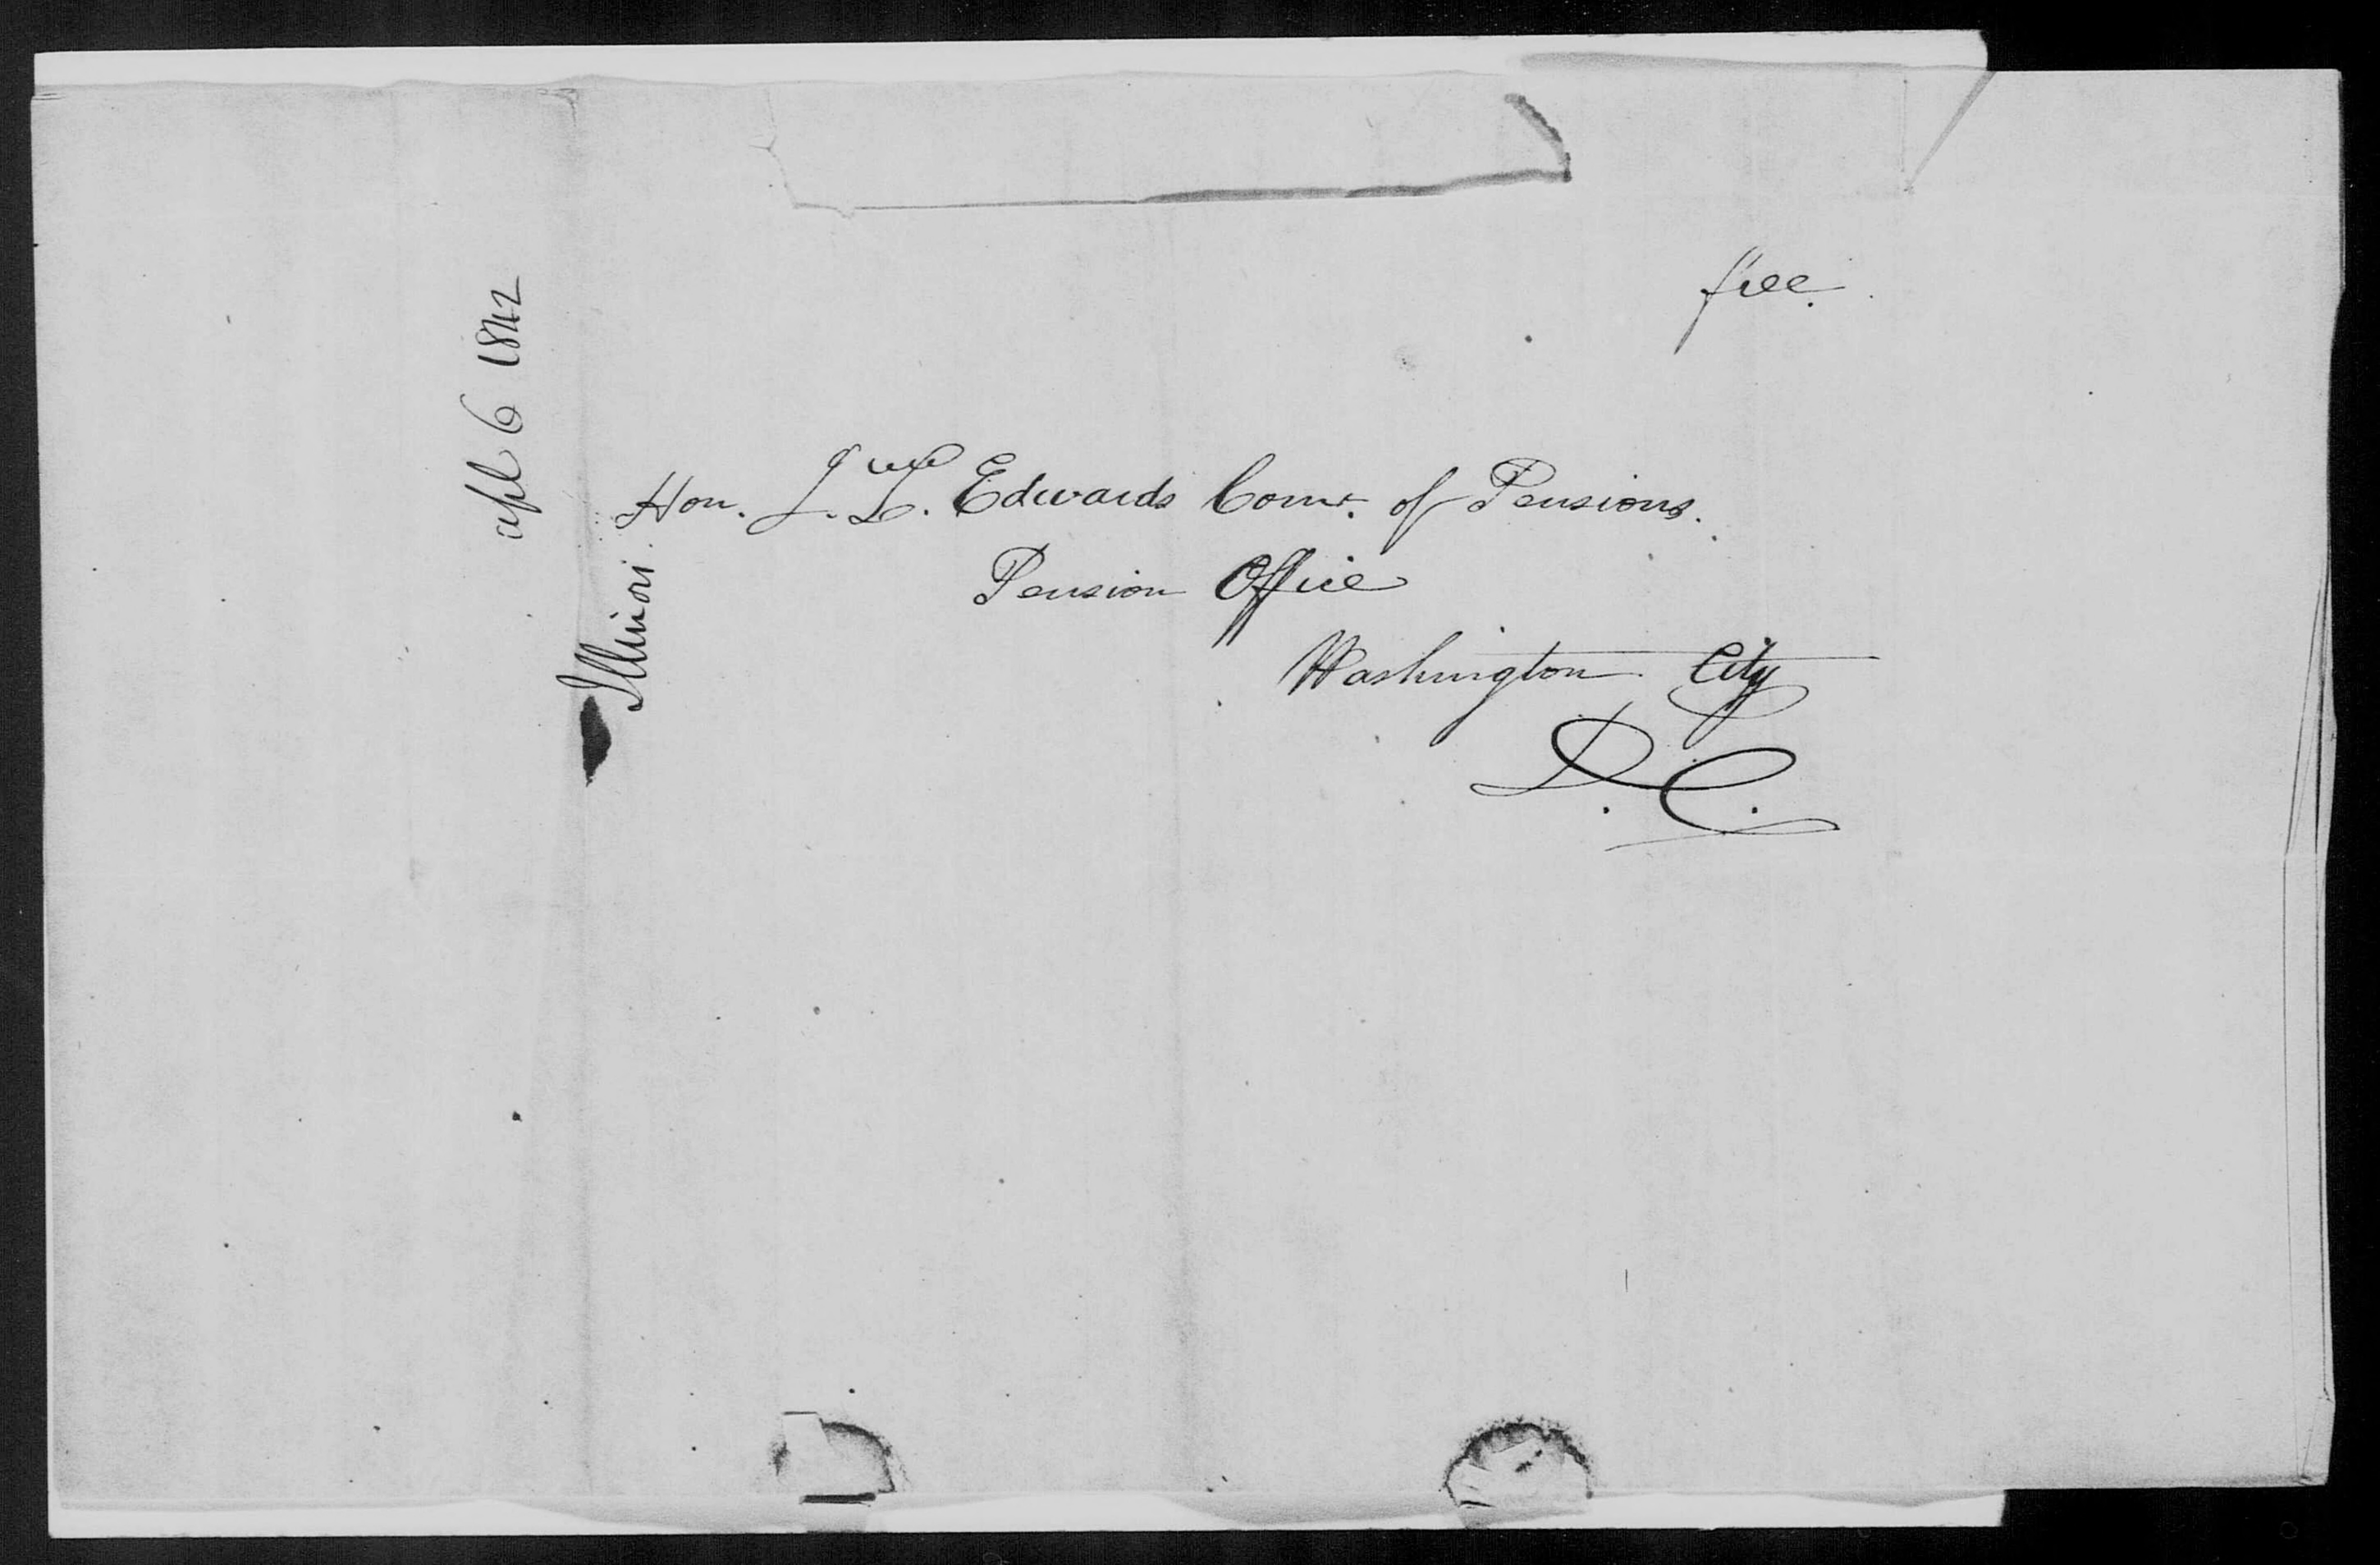Apl 6 1842
free
Hon JL Edwards Comr of Pensions
Pension Office
Washington City DC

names: J L Edwards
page: 36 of 41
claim: rejected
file: R. 1309, James Brown, S.C.